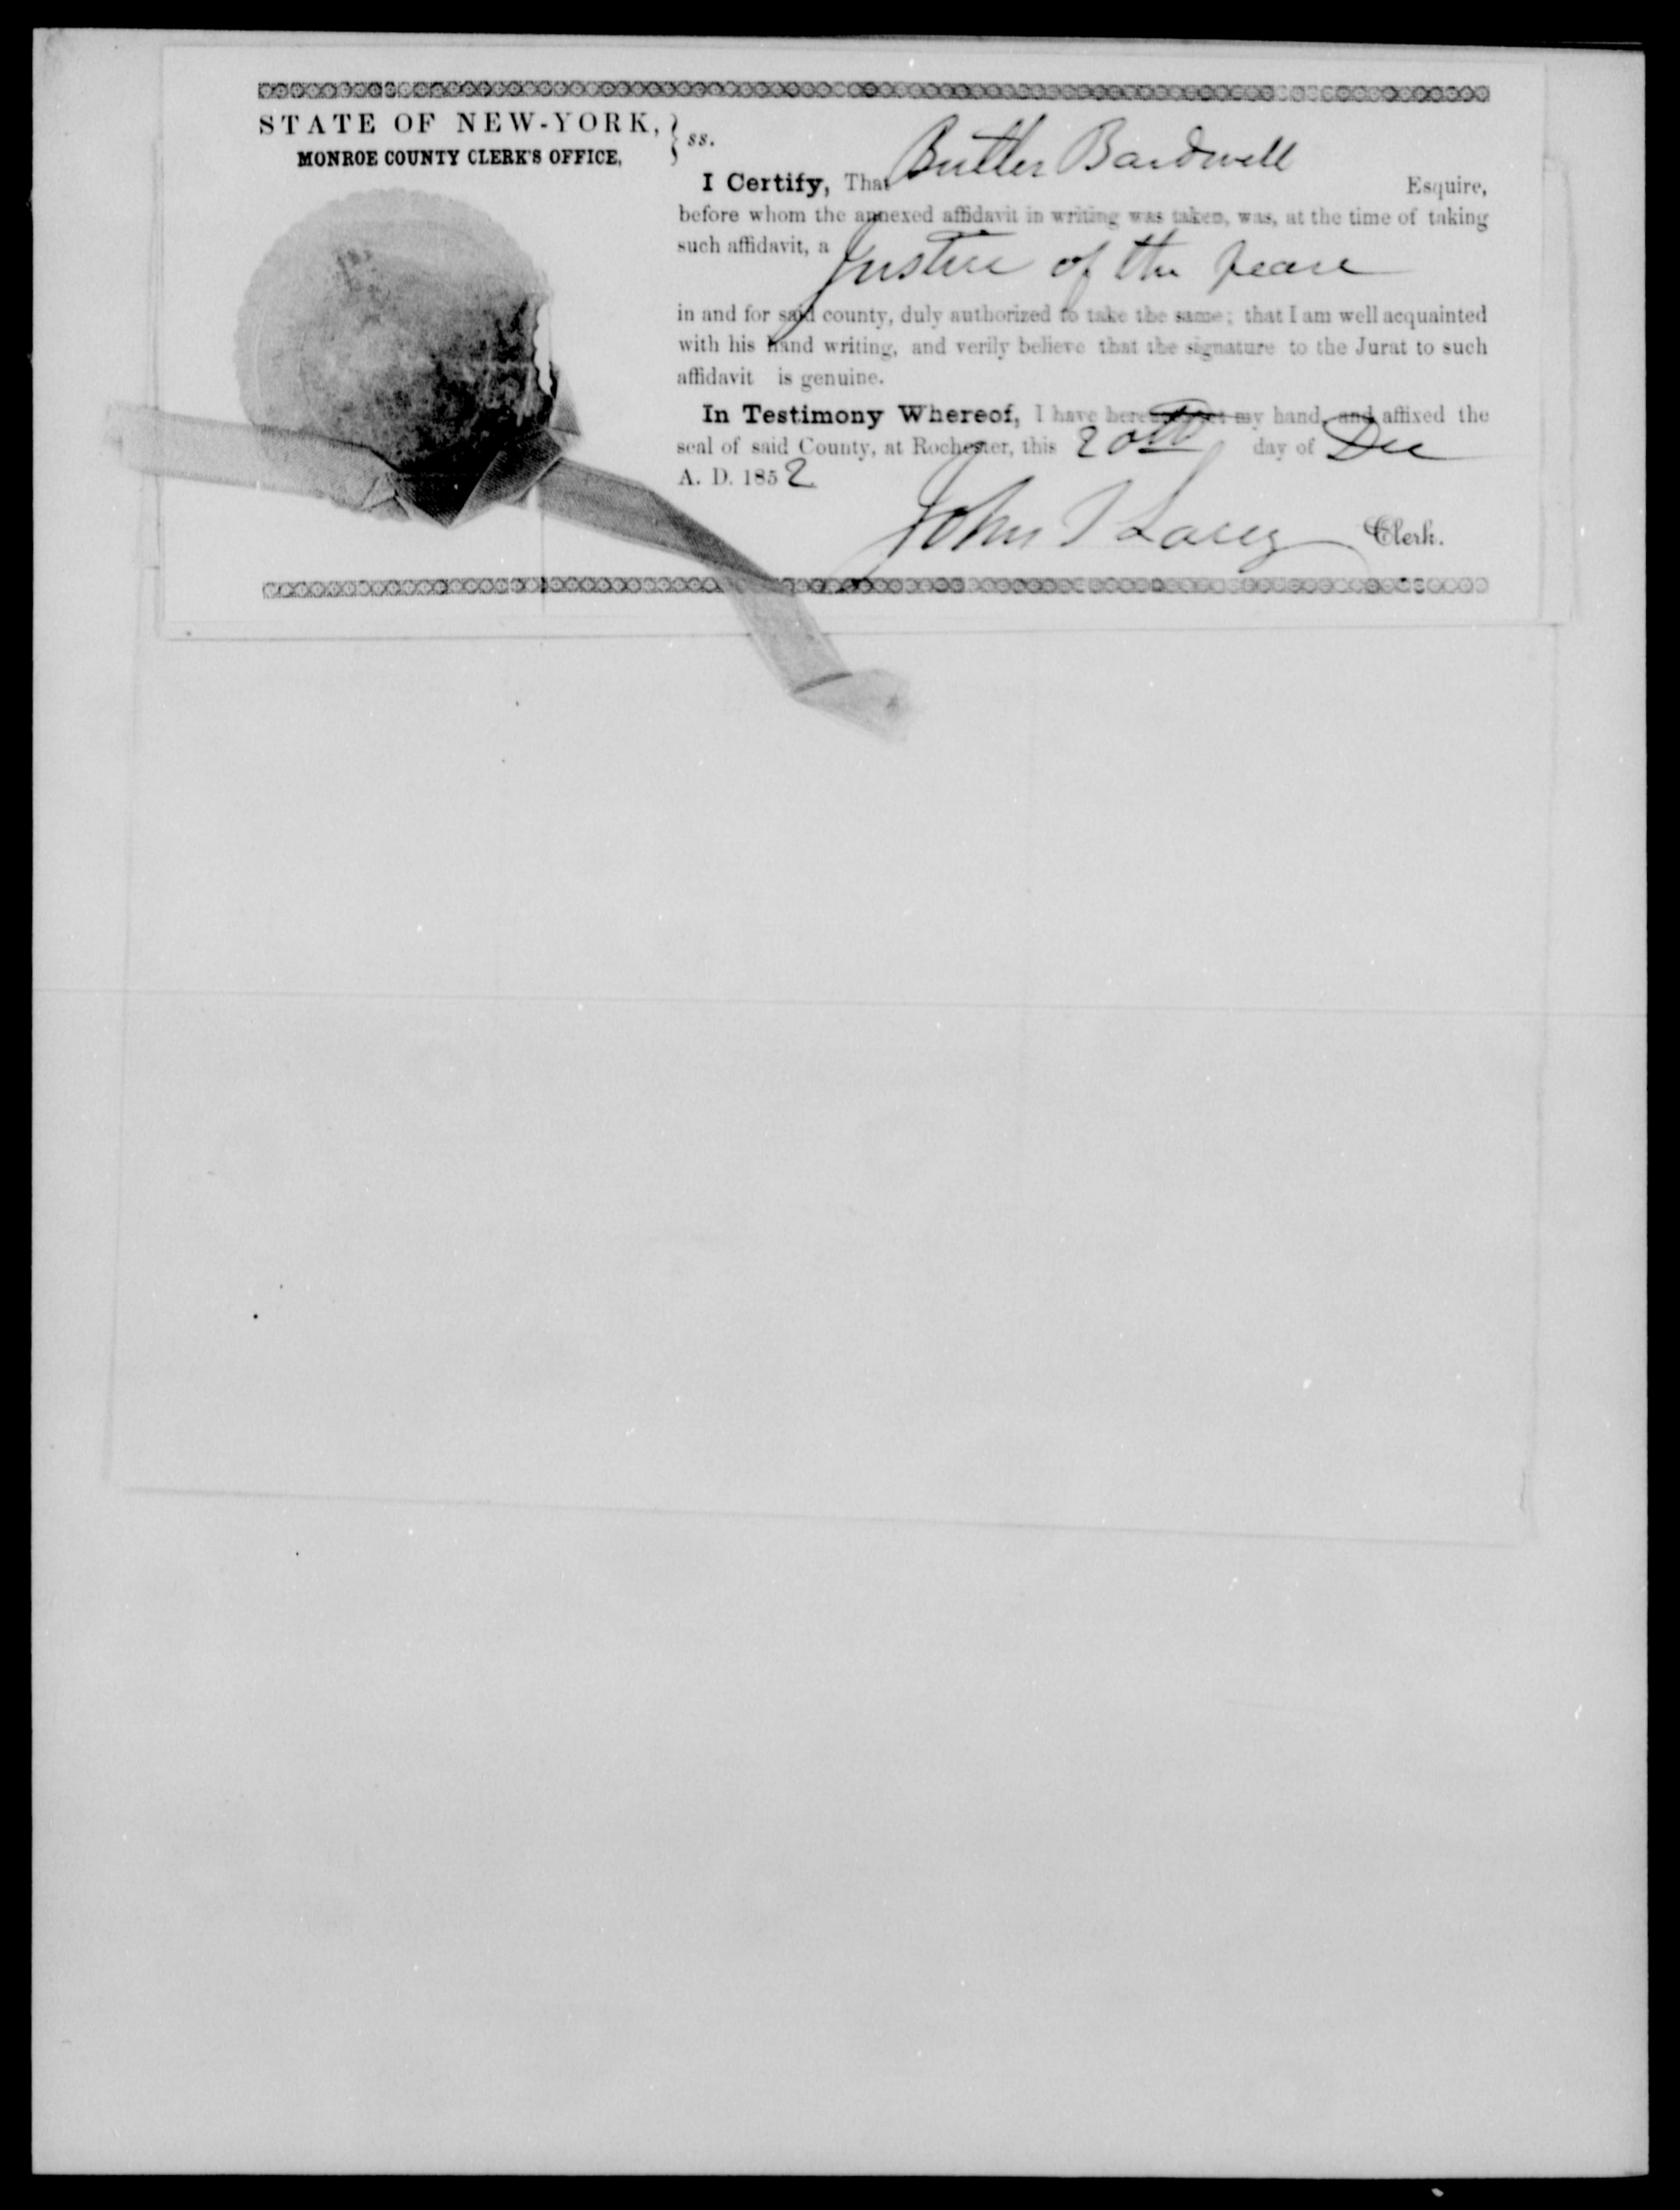STATE OF NEW - YORK,}
MONROE COUNTY CLERK'S OFFICE,} ss.

I Certify, That Butler Bardwell Esquire, before whom the annexed affidavit in writing was taken, was, at the time of taking such affidavit, a Justice of the Peace in and for said county, duly authorized to take the same; that I am well acquainted with his hand writing, and verily believe that the signature to the Jurat to such affidavit is genuine. 
In Testimony Whereof, I have hereto set my hand, and affixed the seal of said County, at Rochester, this 20th day of December A. D. 1852.
John T Lacey Clerk.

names: Butler Bardwell; John T Lacey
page: 4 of 52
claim: rejected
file: R. 9493, for George Sherman, Vermont